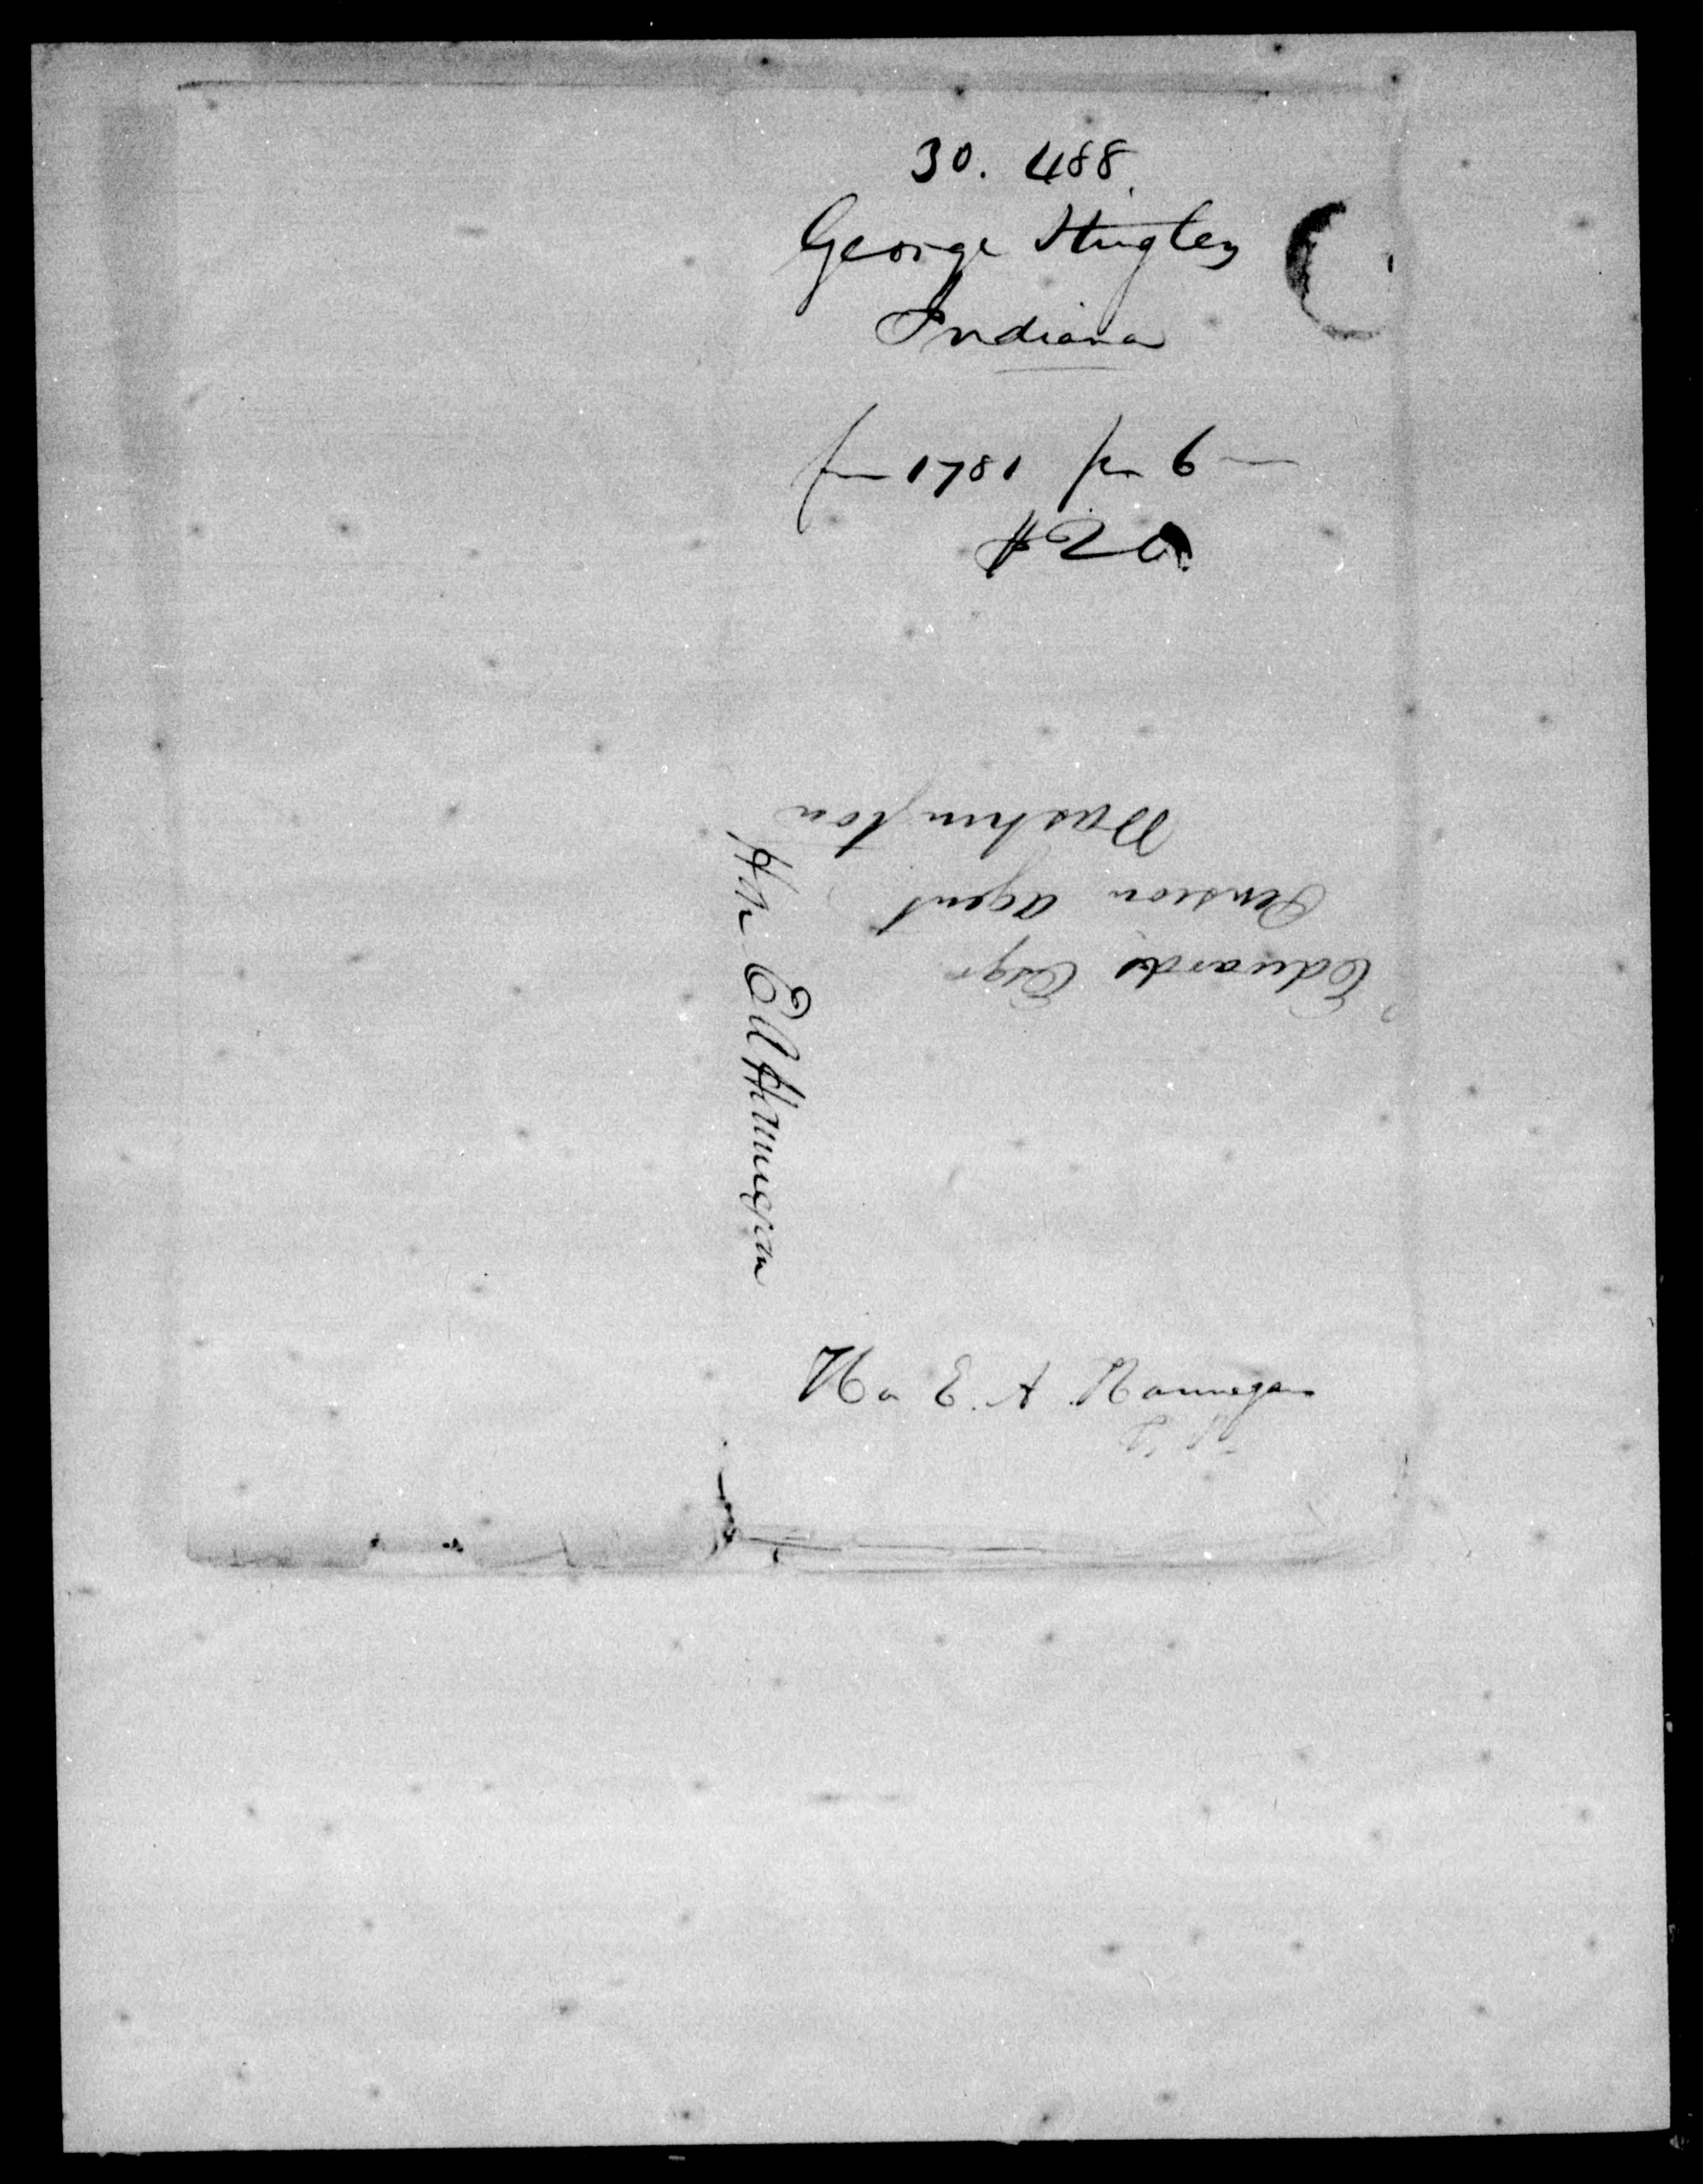30.488

George Stingley

Indiana

for 1781 [illegible] 6 -
$20

{below written upside down:
Edwards Esqr
Pension agent
Washington}

Hon E A Hannegan
[illegible]

[following written perpendicular to above:]

Hon. EA Hannegan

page: 11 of 12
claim: survivor's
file: S. 32543, for George Stingley, Virginia